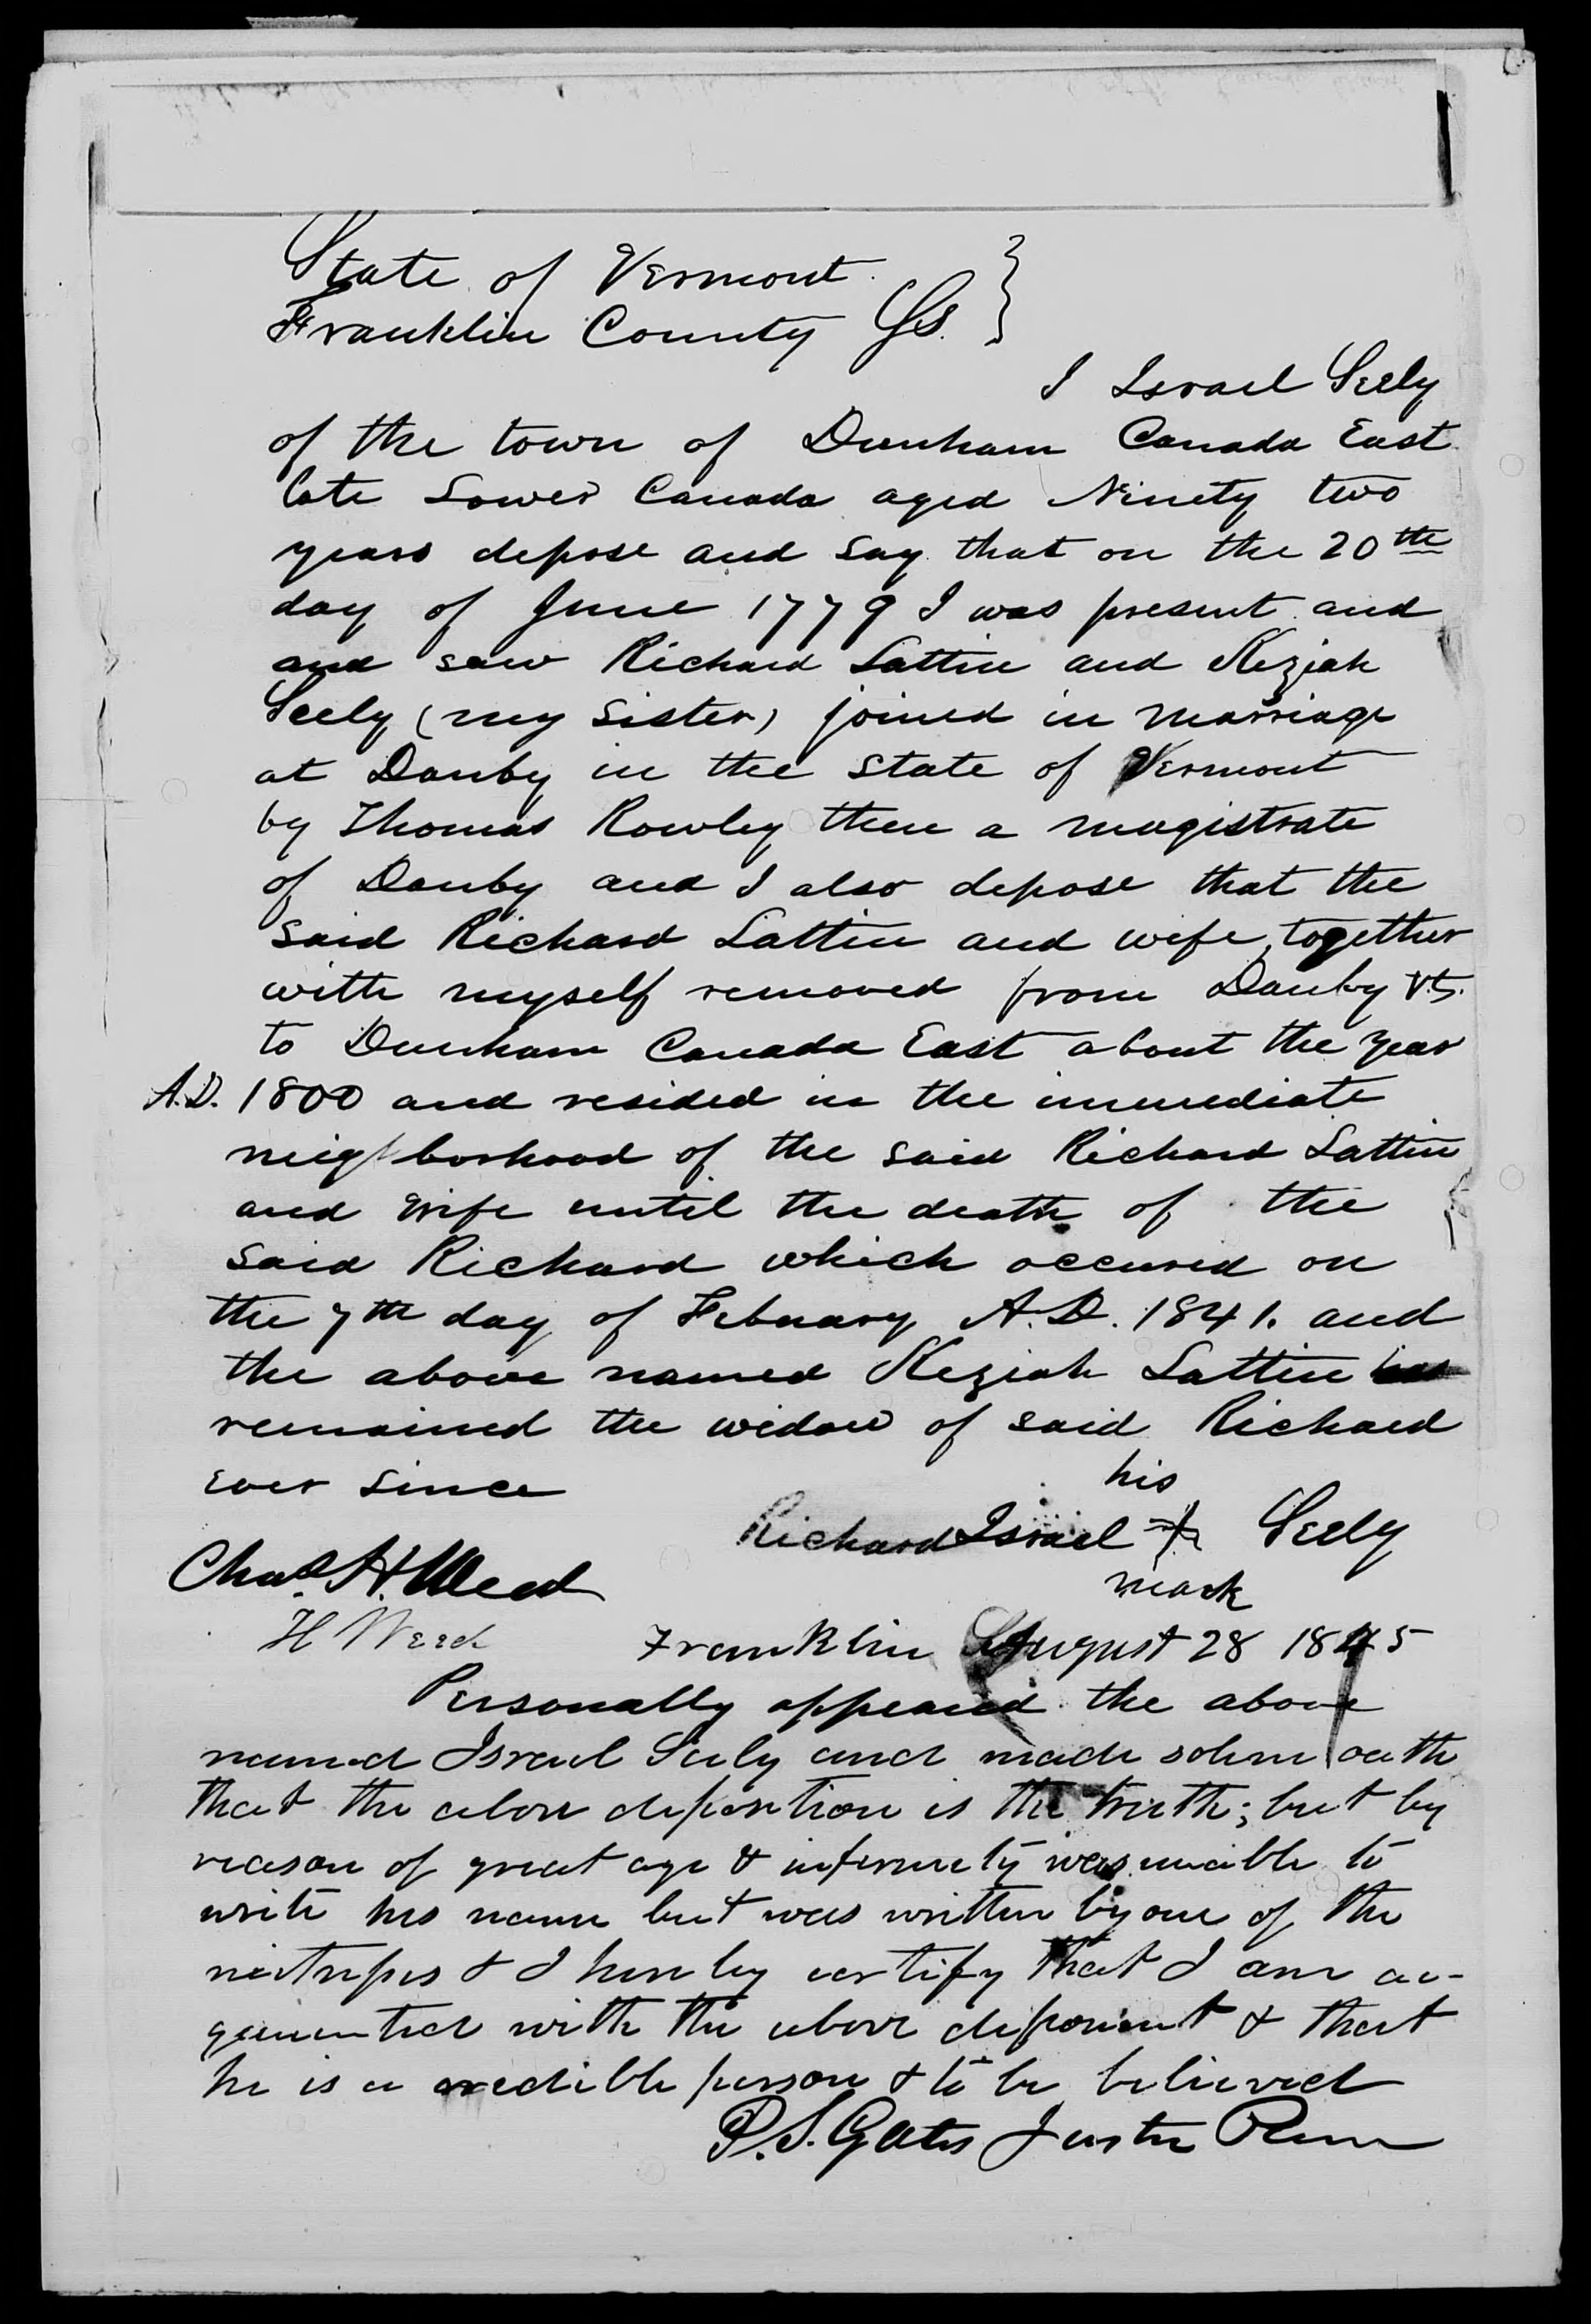State of Vermont Franklin County ss
I Israel Seely of the town of Durham Canada East
late Lower Canada aged Ninety two years depose
 and say that on the 20th day of June 1779 I was
 present and and saw Richard Lattin and Keziah
Seely (my sister), joined in marriage at Danby in 
the State of Vermont by Thomas Rowley there a 
magistrate of Danby. And I also depose that the
said Richard Lattin and wife, together
with myself removed from Danby
to Dunham Canada East about the year
A.D. 1800 and resided in the immediate
neighborhood of the said Richard Lattin and
said wife until the death of the said Richard
 which occured on 7th day of February A.D. 1841, and
the above named Keziah Lattin remained the widow of said Richard ever since.
[Richard] Israel Seely his mark 

Chas H Weed
H Weed

Franklin Co. August 28 1845
Personally appeared the above
named Israel Seely and made solemn oath
the above deposition is the truth; but by reason
 of great age & infirmity was unable to write
 his name, but was written by one of the witnesses
 & I hereby certify that I am  acquainted with the above deponent & that he is a credible person & to be believed
P. S. Gates Justice Peace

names: Richard Lattin; Keziah Seely; P S Gates; Israel Seely; H Weed; Thomas Rowley; Chas H Weed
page: 21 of 99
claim: widow's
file: W. 24,482, for Richard Lattin, Vermont